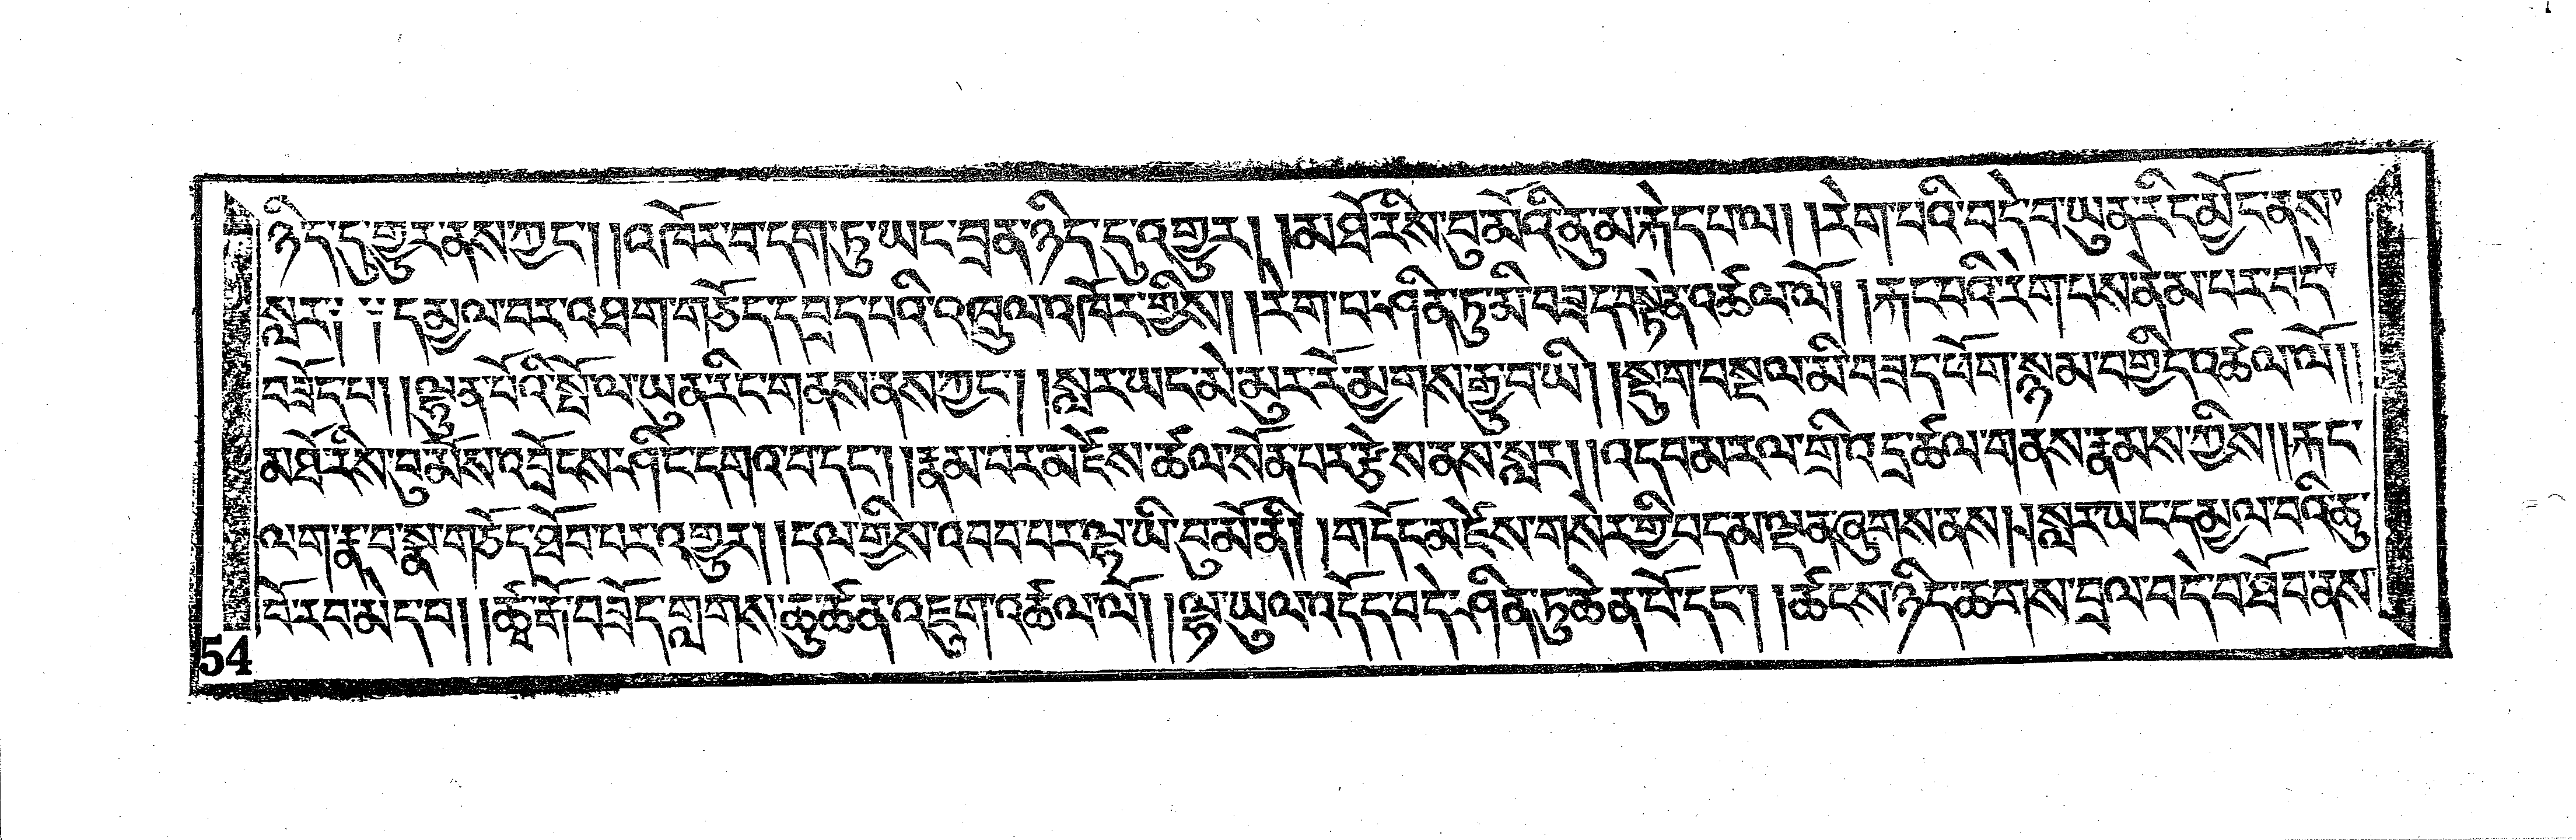ཉིད་དུ་གྱུར་ནས་ཀྱང་། །འཁོར་བ་དག་ཏུ་ཡང་བྲན་ཉིད་དུ་འགྱུར། །མཐོ་རིས་བུ་མོའི་ནུ་མ་རྐེད་པ་ལ། །རེག་པའི་བདེ་བ་ཡུན་རིང་མྱོང་ནས་
སླར༑ ༑དམྱལ་བར་འཐག་གཅོད་དབྲད་པའི་འཁྲུལ་འཁོར་གྱིས། །རེག་པ་ཤིན་ཏུ་མི་བཟད་བསྟེན་འཚལ་ལོ། །རྐང་བའི་རེག་པས་ནེམ་པར་བདེ་
བཟོད་པ། །ལྷུན་པོའི་སྤོ་ལ་ཡུན་རིང་གནས་ནས་ཀྱང་། །སླར་ཡང་མི་མུར་རོ་མྱགས་རྒྱུ་བ་ཡི། །སྡུག་བསྔལ་མི་བཟད་ཕོག་སྙམ་བགྱིད་འཚལ་ལོ། །
མཐོ་རིས་བུ་མོས་འབྲོངས་ཤིང་དགའ་བ་དང་། །རྣམ་པར་མཛེས་ཚལ་སོན་པར་རྩེས་ནས་སླར། །འདབ་མ་རལ་གྲི་འདྲ་ཚལ་གནས་རྣམས་ཀྱིས། །རྐང་
ལག་རྣ་བ་སྣ་གཅོད་ཐོབ་པར་འགྱུར། །དལ་གྱིས་འབབ་པར་ལྷ་ཡི་བུ་མོ་ནི། །གདོང་མཛེས་གསེར་གྱི་པད་མ་ལྡན་ཞུགས་ནས། །སླར་ཡང་དམྱལ་བའི་ཆུ་
བོ་རབ་མེད་པ། །ཚྭ་རྒོ་བཟོད་གླགས་ཆུ་ཚན་འཇུག་འཚལ་ལོ། །ལྷ་ཡུལ་འདོད་བདེ་ཤིན་ཏུ་ཆེན་པོ་དང་། །ཚངས་ཉིད་ཆགས་བྲལ་བདེ་བ་ཐོབ་ནས་